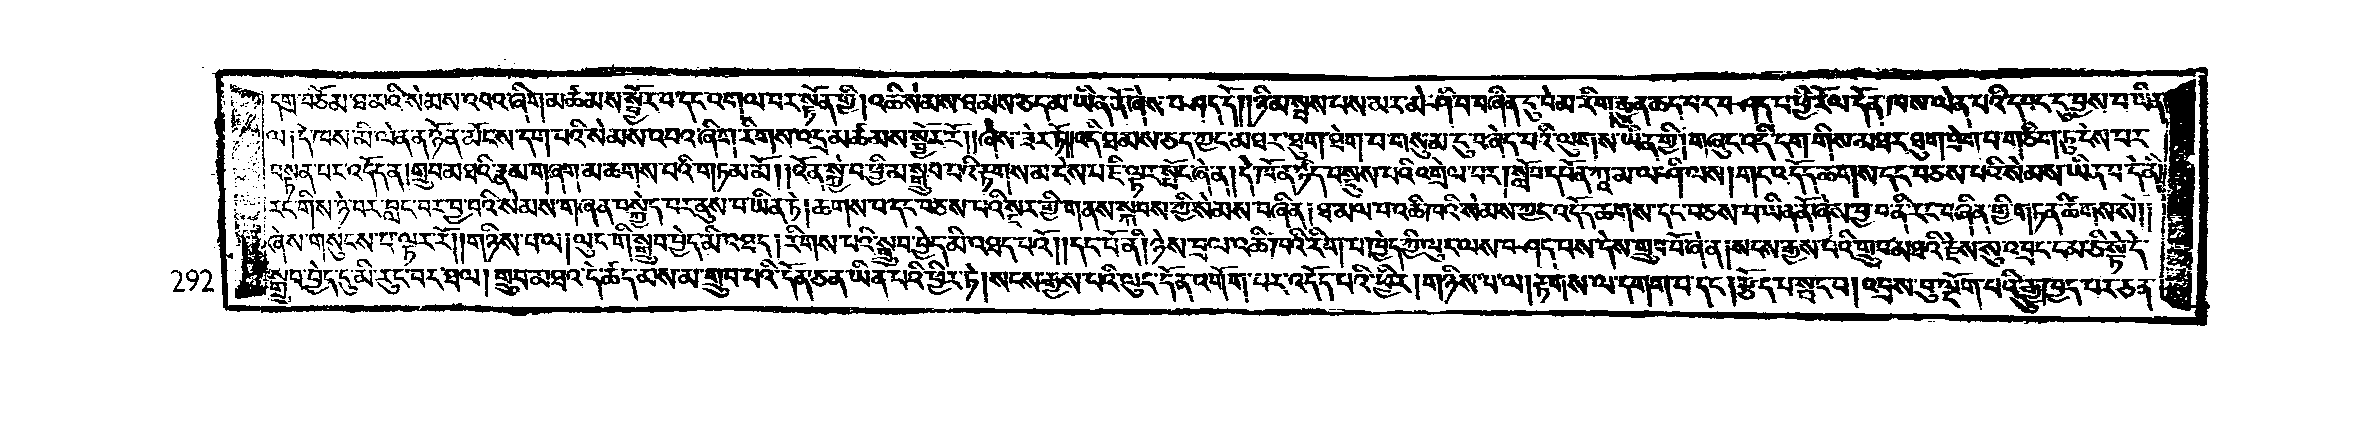དགྲ་བཅོམ་ཐ་མའི་སེམས་འབའ་ཞིག་མཚམས་སྦྱོར་བ་དང་འགལ་བར་སྟོན་གྱི། འཆི་སེམས་ཐམས་ཅད་མ་ཡིན་ནོ་ཞེས་བཤད་དོ། །ཉི་མ་སྦས་པས་མར་མེ་ཤི་བ་བཞིན་དུ་བེམ་རིག་རྒྱུན་ཆད་པར་བཤད་པ་ཕྱི་རོལ་དོན་ཁས་ལེན་པའི་དབང་དུ་བྱས་པ་ཡིན་
ལ། དེ་ཁས་མི་ལེན་ན་ཉོན་མོངས་དག་པའི་སེམས་འབའ་ཞིག་རིགས་འདྲ་མཚམས་སྦྱོར་རོ། །ཞེས་ཟེར་ཏོ། །འདི་ཐམས་ཅད་ཀྱང་མཐར་ཐུག་ཐེག་པ་གསུམ་དུ་བཞེད་པའི་ལུགས་ཡིན་གྱི། གཞུང་འདི་དག་གིས་མཐར་ཐུག་ཐེག་པ་གཅིག་ཏུ་ངེས་པར་
བསྟན་པར་འདོད་ན། གྲུབ་མཐའི་རྣམ་གཞག་མ་ཆགས་པའི་གཏམ་མོ། །འོ་ན་སྐྱེ་བ་ཕྱི་མ་སྒྲུབ་པའི་རྟགས་མ་ངེས་པ་ཇི་ལྟར་སྤོང་ཞེ་ན། དེ་ཁོ་ན་ཉིད་བསྡུས་པའི་འགྲེལ་པར། སློབ་དཔོན་ཀཱ་མ་ལ་ཤི་ལས། གང་འདོད་ཆགས་དང་བཅས་པའི་སེམས་ཡིན་པ་དེ་ནི།
རང་གིས་ཉེ་བར་བླང་བར་བྱ་བའི་སེམས་གཞན་བསྐྱེད་པར་ནུས་པ་ཡིན་ཏེ། ཆགས་པ་དང་བཅས་པའི་སྔར་གྱི་གནས་སྐབས་ཀྱི་སེམས་བཞིན། ཐ་མལ་པ་འཆི་ཁའི་སེམས་ཀྱང་འདོད་ཆགས་དང་བཅས་པ་ཡིན་ནོ་ཞེས་བྱ་བ་ནི་རང་བཞིན་གྱི་གཏན་ཚིགས་སོ། །
ཞེས་གསུངས་པ་ལྟར་རོ། །གཉིས་པ་ལ། ལུང་གི་སྒྲུབ་བྱེད་མི་འཐད། རིགས་པའི་སྒྲུབ་བྱེད་མི་འཐད་པའོ། །དང་པོ་ནི། ཉེས་བྲལ་འཆི་ཁའི་རིག་པ་ཁྱེད་ཀྱི་ལུང་ལས་བཤད་པས་དེས་གྲུབ་པོ་ཞེ་ན། སངས་རྒྱས་པའི་གྲུབ་མཐའི་རྗེས་སུ་འབྲང་དམ་ཅི་སྟེ་དེ་
སྒྲུབ་བྱེད་དུ་མི་རུང་བར་ཐལ། གྲུབ་མཐའ་དེ་ཚད་མས་མ་གྲུབ་པའི་དོན་ཅན་ཡིན་པའི་ཕྱིར་ཏེ། སངས་རྒྱས་པའི་ལུང་དོན་འགོག་པར་འདོད་པའི་ཕྱིར། གཉིས་པ་ལ། རྟགས་ལ་དགག་པ་དང་། རྩོད་པ་སྤང་བ། འབྲས་བུ་ལྡོག་པའི་རྒྱུ་ཁྱད་པར་ཅན་